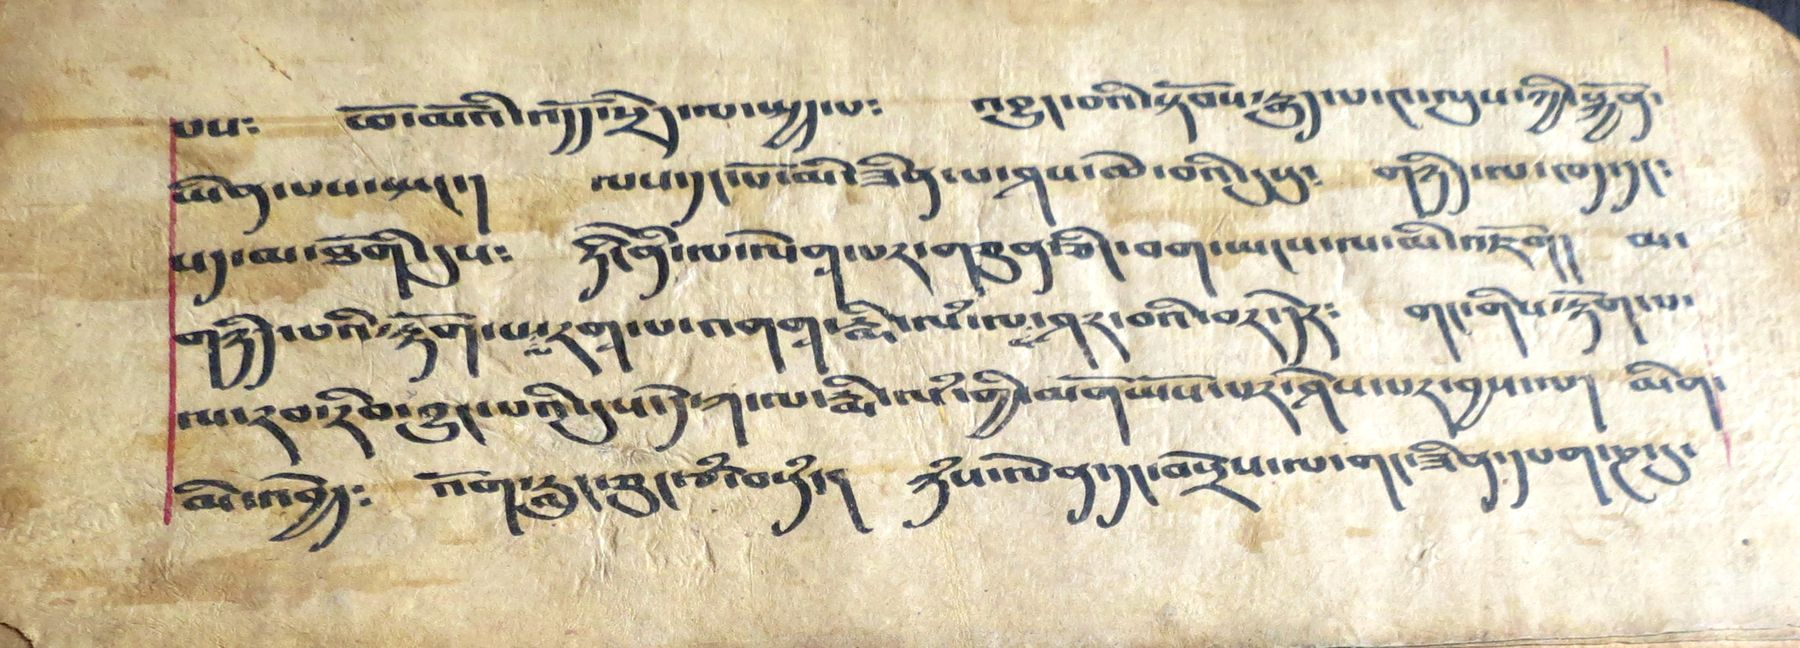པ། ཕོ་མོའི་འདོད་སྲེད་ལ་སྤྱད་པ། འབྱུང་བའི་སྟོབས་རྒུད་པ་བཞི་ལུས་ཀྱི་སྐྱོན་
ཡིན་པས་སྤོངས། ལས་དང་པོ་མི་ཟིན་པ་ཤས་ཆེ་བའི་དུས་སུ། གཉིད་ལ་ཁད་དང་། 
སད་མ་ཐག་གི་དུས་སུ་ཏིང་ངེ་འཛིན་ལ་ལེགས་པར་གཅུན་ཞིང་བག་ཡངས་ལ་མི་འཇོག མ་
གཉིད་པའི་རྟོག་པ་རགས་པ་འགག རྨི་ལམ་མ་ཤར་བའི་བར་དེར། གང་གི་རྟོག་པ་
རབ་རིབ་བྱུང་བའི་དུས་དེ་ཀ་ལ་རྨི་ལམ་གྱི་མགོ་གཡོས་པར་ཤེས་པར་བྱས་ལ། མིག་
མི་འབྱེད་འོག་རླུང་ཅུང་ཙམ་བསྡམ། ཉམས་ལེན་དང་བསྲེས་ལ་གང་ཟིན་པ་དཔག་མེད་དུ་